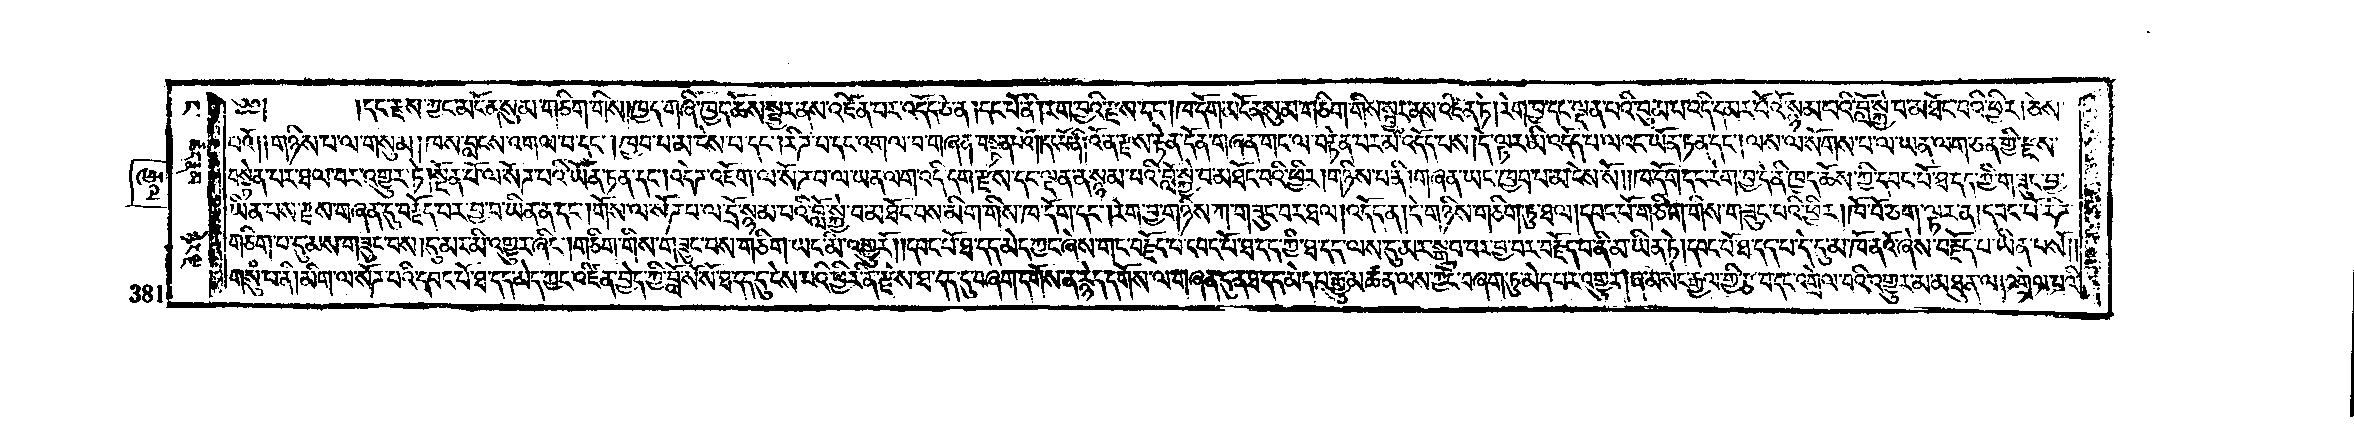༄༅། །དང་རྫས་ཀྱང་མངོན་སུམ་གཅིག་གིས་ཁྱད་གཞི་ཁྱད་ཆོས་སྦྱར་ནས་འཛིན་པར་འདོད་ཅེ་ན། དང་པོ་ནི། རེག་བྱའི་རྫས་དང་། ཁ་དོག་མངོན་སུམ་གཅིག་གིས་སྦྱར་ནས་འཛིན་ཏེ། རེག་བྱ་དང་ལྡན་པའི་བུ་པ་འདི་དམར་པོའོ་སྙམ་པའི་བློ་སྐྱེ་བ་མཐོང་བའི་ཕྱིར། ཅེས་
པའོ། །གཉིས་པ་ལ་གསུམ། ཁས་བླངས་འགལ་བ་དང་། ཁྱད་པ་མ་ངེས་པ་དང་། རིགས་པ་དང་འགལ་བ་གཞན་བསྟན་པའོ། །དང་པའོ། །དང་པོ་ནི།འོ་ན་རྫས་རྟེན་དོན་གཞན་གང་ལ་བརྟེན་པར་མི་འདོད་པས། དེ་ལྟར་མི་འདོད་པ་ལའང་ཡོན་ཏན་དང་། ལས་ལ་སོགས་པ་ལ་ཡན་ལག་ཅན་གྱི་རྫས་
བསྟེན་པར་ཐལ་བར་འགྱུར་ཏེ། སྔོན་པོ་ལ་སོགས་པའི་ཡོན་ཏན་དང་། འདེགས་འཇོག་ལ་སོགས་པ་ལ་ཡན་ལག་འདི་དག་རྫས་དང་ལྡན་ན་སྙམ་པའི་བློ་སྐྱེ་བ་མཐོང་བའི་ཕྱིར། གཉིས་པ་ནི། གཞན་ཡང་ཁྱད་པ་མ་ངེས་སོ། །ཁ་དོག་དང་རེག་བྱ་དེ་ནི་ཁྱད་ཆོས་ཀྱི་དབང་པོ་ཐ་དད་ཀྱི་གཟུང་བྱ་
ཡིན་པས་རྫས་གཞན་དུ་བརྗོད་པར་བྱ་བ་ཡིན་ན་དང་། གོས་ལ་སོགས་པ་ལ་དྲོ་སྙམ་པའི་བློ་སྐྱེ་བ་མཐོང་བས་མིག་གིས་ཁ་དོག་དང་། རེག་བྱ་གཉིས་ཀ་གཟུང་བར་ཐལ། འདོད་ན། དེ་གཉིས་གཅིག་ཏུ་ཐལ། དབང་པོ་གཅིག་གིས་གཟུང་པའི་ཕྱིར། ཁོ་བོ་ཅག་ལྟར་ན། དབང་པོ་རིགས་
གཅིག་པ་དུ་མས་གཟུང་བས། དུ་མར་མི་འགྱུར་ཞིང་། གཅིག་གིས་གཟུང་བས་གཅིག་ཡང་མི་འགྱུར་རོ། །དབང་པོ་ཐ་དད་མེད་ཀྱང་ཞེས་གང་བརྗོད་པ་དབང་པོ་ཐ་དད་ཀྱི་ཐ་དད་ལས་དུ་མར་སྒྲུབ་པར་བྱ་བར་བརྗོད་པ་ནི་མ་ཡིན་ཏེ། དབང་པོ་ཐ་དད་པ་དེ་དུ་མ་ཁོ་ནའོ་ཞེས་བརྗོད་པ་ཡིན་པ་སོ། །
གསུམ་པ་ནི། མིག་ལ་སོགས་པའི་དབང་པོ་ཐ་དད་མེད་ཀྱང་འཛིན་བྱེད་ཀྱི་བློ་སོ་སོ་ཐ་དད་དུ་ངེས་པའི་ཕྱིར་ནི་རྫས་ཐ་དད་དུ་བཞག་དགོས་ན་རྙེད་དགོས་ལ་གཞན་དུ་ན་ཐ་དད་མེད་པ་རྒྱུ་མཚན་ལས་ཀྱང་བཞག་ཏུ་མེད་པར་འགྱུར། ཞ་མ་སེང་རྒྱལ་གྱི་རྩ་བ་དང་འགྲེལ་བའི་འགྱུར་མ་མཐུན་ལ། འགྲེལ་པའི་